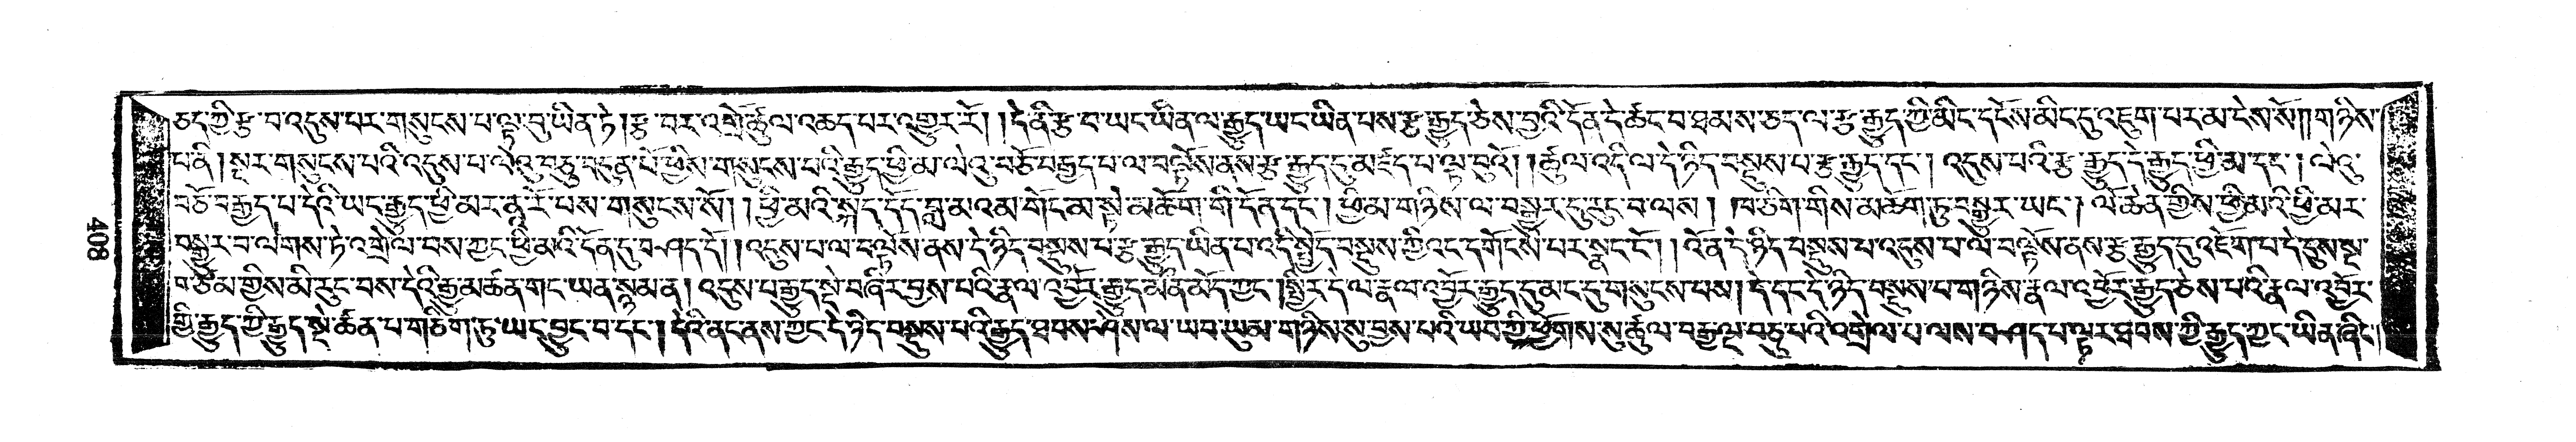ཅད་ཀྱི་རྩ་བ་འདུས་པར་གསུངས་པ་ལྟ་བུ་ཡིན་ཏེ། རྩ་བར་འགྲོ་ཚུལ་འཆད་པར་འགྱུར་རོ། །དེ་ནི་རྩ་བ་ཡང་ཡིན་ལ་རྒྱུད་ཡང་ཡིན་པས་རྩ་རྒྱུད་ཅེས་བྱའི་དོན་དེ་ཚང་བ་ཐམས་ཅད་ལ་རྩ་རྒྱུད་ཀྱི་མིང་དངོས་མིང་དུ་འཇུག་པར་མ་ངེས་སོ། །གཉིས་
པ་ནི། སྔར་གསུངས་པའི་འདུས་པ་ལེའུ་བཅུ་བདུན་པོ་ཕྱིས་གསུངས་པའི་རྒྱུད་ཕྱི་མ་ལེའུ་བཅོ་བརྒྱད་པ་ལ་བལྟོས་ནས་རྩ་རྒྱུད་དུ་མཛད་པ་ལྟ་བུའོ། །ཚུལ་འདི་ལ་དེ་ཉིད་བསྡུས་པ་རྩ་རྒྱུད་དང་། འདུས་པའི་རྩ་རྒྱུད་དེ་རྒྱུད་ཕྱི་མ་དང་། ལེའུ་
བཅོ་བརྒྱད་པ་དེའི་ཡང་རྒྱུད་ཕྱི་མར་ནཱ་རོ་པས་གསུངས་སོ། །ཕྱི་མའི་སྐད་དོད་བླ་མའམ་གོང་མ་སྟེ་མཆོག་གི་དོན་དང་། ཕྱི་མ་གཉིས་ལ་བསྒྱུར་དུ་རུང་བ་ལས། ཁ་ཅིག་གིས་མཆོག་ཏུ་བསྒྱུར་ཡང་། ལོ་ཆེན་གྱིས་ཕྱི་མའི་ཕྱི་མར་
བསྒྱུར་བ་ལེགས་ཏེ་འགྲེལ་པས་ཀྱང་ཕྱི་མའི་དོན་དུ་བཤད་དོ། །འདུས་པ་ལ་བལྟོས་ནས་དེ་ཉིད་བསྡུས་པ་རྩ་རྒྱུད་ཡིན་པ་འདི་སྤྱོད་བསྡུས་ཀྱིའང་དགོངས་པར་སྣང་ངོ། །འོ་ན་དེ་ཉིད་བསྡུས་པ་འདུས་པ་ལ་བལྟོས་ནས་རྩ་རྒྱུད་དུ་འཇོག་པ་དེ་དུས་སྔ་
བ་ཙམ་གྱིས་མི་རུང་བས་དེའི་རྒྱུ་མཚན་གང་ཡན་སྙམ་ན། འདུས་པ་རྒྱུད་སྡེ་བཞིར་བྱས་པའི་རྣལ་འབྱོར་རྒྱུད་མིན་མོད་ཀྱང་། སྤྱིར་དེ་ལ་རྣལ་འབྱོར་རྒྱུད་དུ་མང་དུ་གསུངས་པས། དེ་དང་དེ་ཉིད་བསྡུས་པ་གཉིས་རྣལ་འབྱོར་རྒྱུད་ཅེས་པའི་རྣལ་འབྱོར་
གྱི་རྒྱུད་ཀྱི་རྒྱུད་སྡེ་ཚན་པ་གཅིག་ཏུ་ཡང་བྱུང་བ་དང་། དེའི་ནང་ནས་ཀྱང་དེ་ཉིད་བསྡུས་པའི་རྒྱུད་ཐབས་ཤེས་ལ་ཡབ་ཡུམ་གཉིས་སུ་བྱས་པའི་ཡབ་ཀྱི་ཕྱོགས་སུ་ཚུལ་བརྒྱ་ལྔ་བཅུ་པའི་འགྲེལ་པ་ལས་བཤད་པ་ལྟར་ཐབས་ཀྱི་རྒྱུད་ཀྱང་ཡིན་ཞིང་།